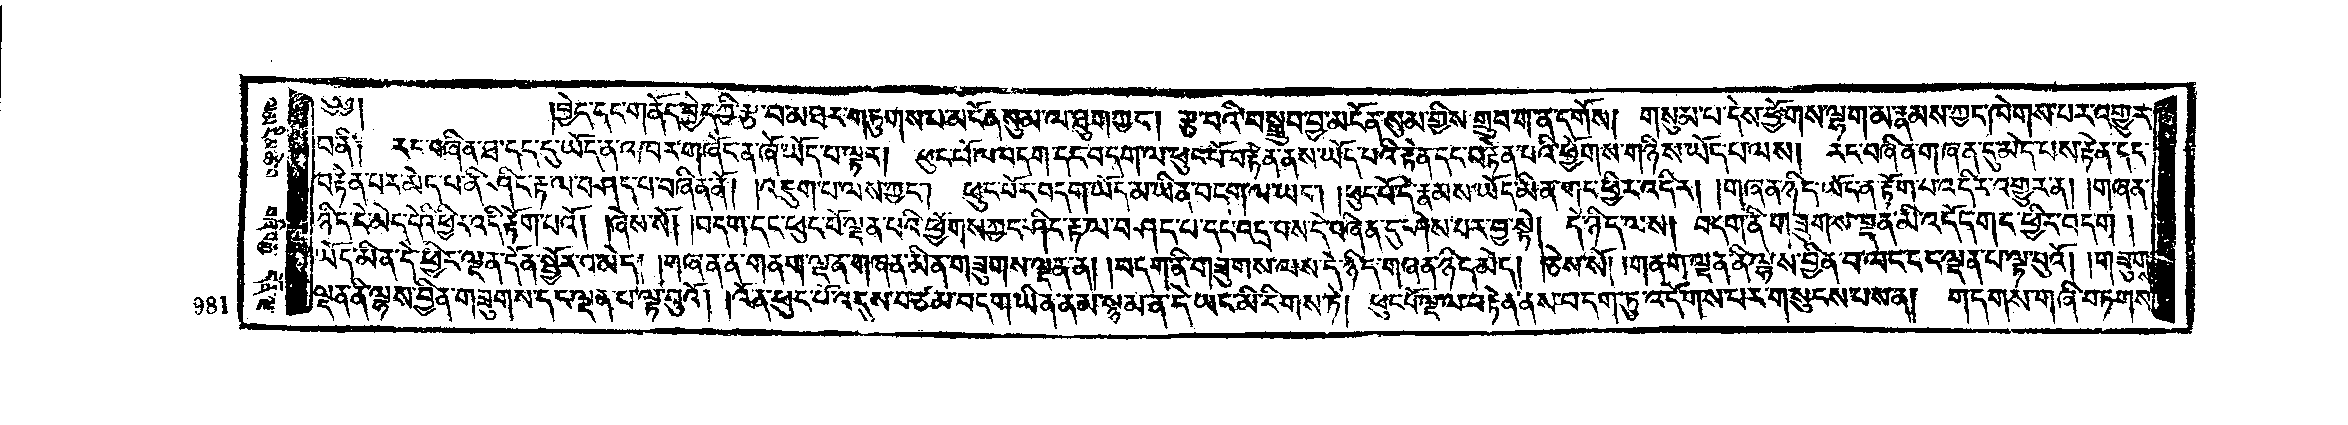༄༅། །བྱེད་དང་གནོད་བྱེད་ཀྱི་རྩ་བ་མཐར་གཏུགས་པ་མངོན་སུམ་ལ་ཐུག་ཀྱང་། རྩ་བའི་བསྒྲུབ་བྱ་མངོན་སུམ་གྱིས་གྲུབ་ག་ན་དགོས། གསུམ་པ་དེས་ཕྱོགས་ལྷག་མ་རྣམས་ཀྱང་ཁེགས་པར་འགྱུར་
བ་ནི༑ རང་བཞིན་ཐ་དད་དུ་ཡོད་ན་འཁར་གཞོང་ན་ཞོ་ཡོད་པ་ལྟར། ཕུང་པོ་ལ་བདག་དང་བདག་ལ་ཕུང་པོ་བརྟེན་ནས་ཡོད་པའི་རྟེན་དང་བརྟེན་པའི་ཕྱོགས་གཉིས་ཡོད་པ་ལས། རང་བཞིན་གཞན་དུ་མེད་པས་རྟེན་དང་
བརྟེན་པར་མེད་པ་ནི་ཤིང་རྟ་ལ་བཤད་པ་བཞིན་ནོ། །འཇུག་པ་ལས་ཀྱང་། ཕུང་པོར་བདག་ཡོད་མ་ཡིན་བདག་ལ་ཡང་། །ཕུང་པོ་དེ་རྣམས་ཡོད་མིན་གང་ཕྱིར་འདིར། །གཞན་ཉིད་ཡོད་ན་རྟོག་པ་འདིར་འགྱུར་ན། །གཞན་
ཉིད་དེ་མེད་དེའི་ཕྱིར་འདི་རྟོག་པའོ། །ཞེས་སོ། །བདག་དང་ཕུང་པོ་ལྡན་པའི་ཕྱོགས་ཀྱང་ཤིང་རྟ་ལ་བཤད་པ་དང་འདྲ་བས་དེ་བཞིན་དུ་ཤེས་པར་བྱ་སྟེ། དེ་ཉིད་ལས། བདག་ནི་གཟུགས་ལྡན་མི་འདོད་གང་ཕྱིར་བདག །
ཡོད་མིན་དེ་ཕྱིར་ལྡན་དོན་སྦྱོར་བ་མེད། །གཞན་ན་གནག་ལྡན་གཞན་མིན་གཟུགས་ལྡན་ན། །བདག་ནི་གཟུགས་ལས་དེ་ཉིད་གཞན་ཉིད་མེད། །ཅེས་སོ། །གནག་ལྡན་ནི་ལྷས་བྱིན་བ་ལང་དང་ལྡན་པ་ལྟ་བུའོ། །གཟུགས་
ལྡན་ནི་ལྷས་བྱིན་གཟུགས་དང་ལྡན་པ་ལྟ་བུའོ། །འོ་ན་ཕུང་པོ་འདུས་པ་ཙམ་བདག་ཡིན་ནམ་སྙམ་ན་དེ་ཡང་མི་རིགས་ཏེ། ཕུང་པོ་ལྔ་ལ་བརྟེན་ནས་བདག་ཏུ་འདོགས་པར་གསུངས་པས་ན། གདགས་གཞི་བཏགས་